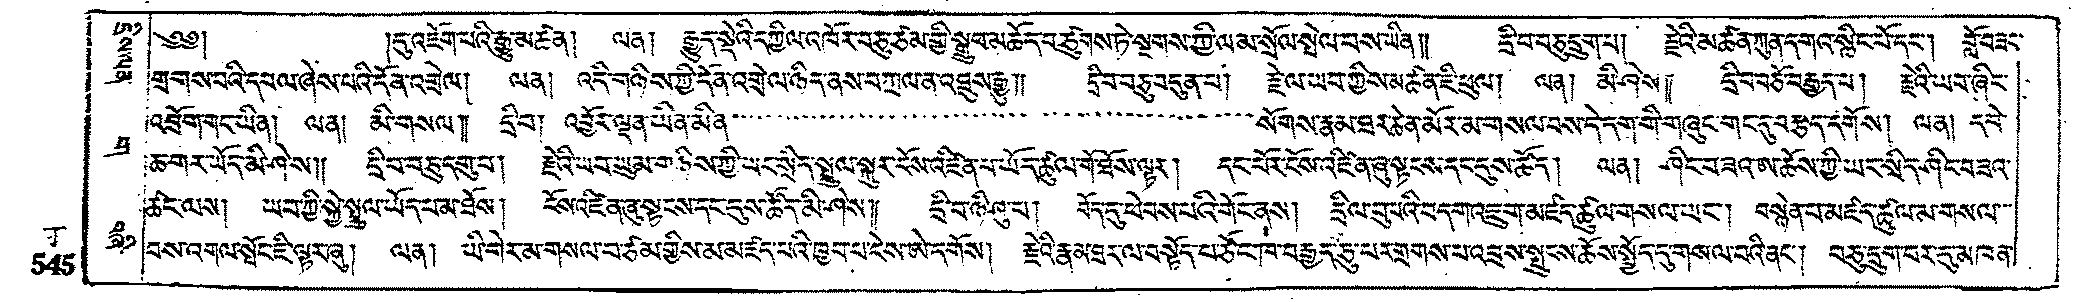༄༅། །དུ་འཇོག་པའི་རྒྱུ་མཚན། ལན། རྒྱུད་སྡེའི་དཀྱིལ་འཁོར་བཅུ་ཙམ་གྱི་སྒྲུབ་མཆོད་བཙུགས་ཏེ་སྔགས་ཀྱི་ལམ་སྲོལ་སྤེལ་བས་ཡིན།། དྲི་བ་བཅུ་དྲུག་པ། རྗེའི་མཚན་ཀུན་དགའ་སྙིང་པོ་དང་། བློ་བཟང་
གྲགས་པའི་དཔལ་ཞེས་པའི་དོན་འགྲེལ། ལན། འདི་གཉིས་ཀྱི་དོན་འགྲེལ་ཉིད་ནས་བཀྲལ་ན་འཐུས་རྒྱུ།། དྲི་བ་བཅུ་བདུན་པ། རྗེ་ལ་ཡབ་ཀྱིས་མཚན་ཇི་ཕུལ། ལན། མི་ཤེས།། དྲི་བ་བཅོ་བརྒྱད་པ། རྗེའི་ཡབ་ཞིང་
འབྲོག་གང་ཡིན། ལན། མི་གསལ།། དྲི་བ། འབྱོར་ལྡན་ཡིན་མིན་་་སོགས་རྣམ་ཐར་ཆེན་མོར་མ་གསལ་བས་དེ་དག་གི་གཞུང་གང་དུ་བརྩད་དགོས། ལན། དཔེ་
ཆ་གར་ཡོད་མི་ཤེས།། དྲི་བ་བཅུ་དགུ་པ། རྗེའི་ཡབ་ཡུམ་གཉིས་ཀྱི་ཡང་སྲིད་སྤྲུལ་སྐུར་ངོས་འཛིན་པ་ཡོད་ཚུལ་གོ་ཐོས་ལྟར། དང་པོར་ངོས་འཛིན་ཞུ་སྟངས་དང་དུས་ཚོད། ལན། ཤིང་བཟའ་ཨ་ཆོས་ཀྱི་ཡང་སྲིད་ཤིང་བཟའ་
ཚང་ལས། ཡབ་ཀྱི་སྐྱེ་སྤྲུལ་ཡོད་པ་མ་ཐོས། ངོས་འཛིན་ཞུ་སྟངས་དང་དུས་ཚོད་མི་ཤེས།། དྲི་བ་ཉི་ཤུ་པ། བོད་དུ་ཕེབས་པའི་གོང་ནས། དྲིལ་བུ་པའི་བདག་འཇུག་མཛད་ཚུལ་གསལ་ཡང་། བསྙེན་པ་མཛད་ཚུལ་མ་གསལ་་་
བས་འགལ་སྤོང་ཇི་ལྟར་ཞུ། ལན། ཡི་གེར་མ་གསལ་བ་ཙམ་གྱིས་མ་མཛད་པའི་ཁྱབ་པ་ངེས་ཨེ་དགོས། རྗེའི་རྣམ་ཐར་ལ་བསྟོད་པ་ཙོང་ཁ་བརྒྱད་ཅུ་པར་གྲགས་པ་འབྲས་སྤུངས་ཆོས་སྤྱོད་དུ་གསལ་བའི་ནང་། བཅུ་དྲུག་བར་དུ་མཁན་